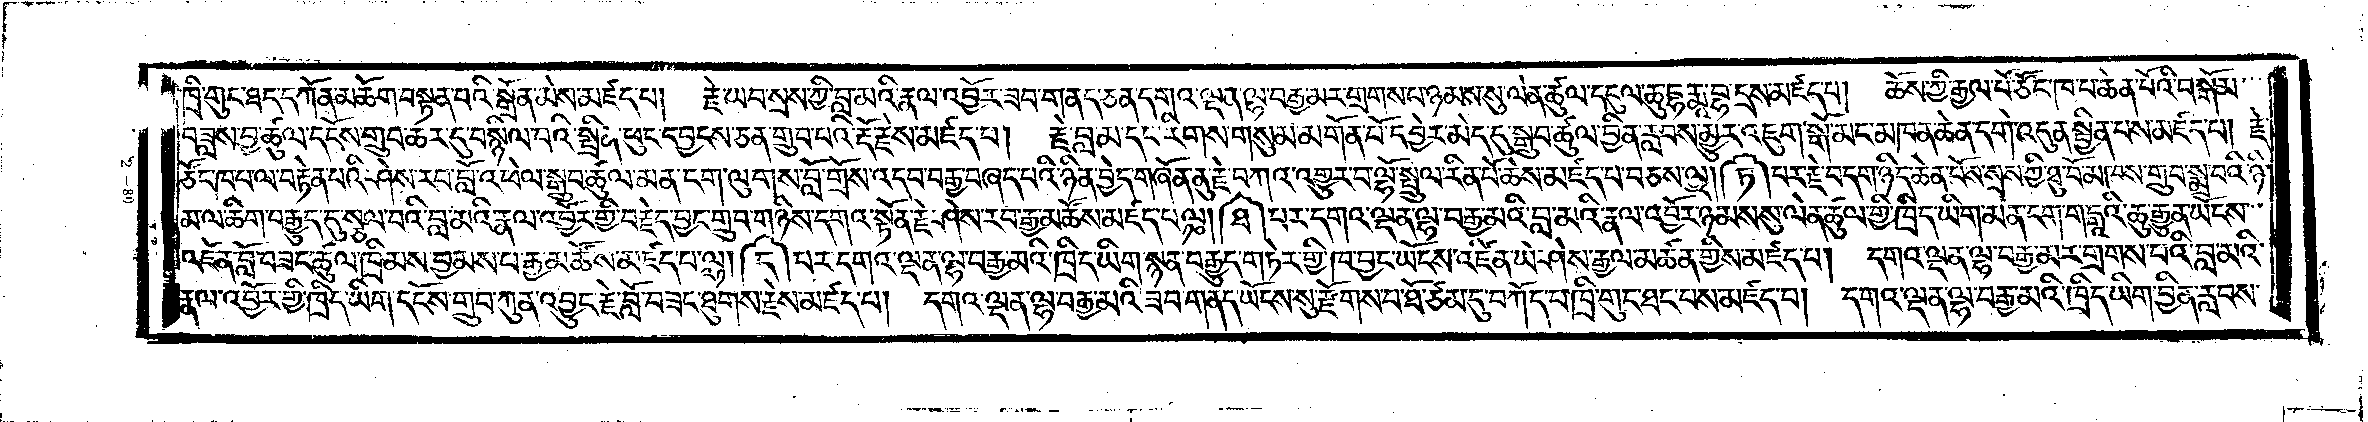ཁྲི་གུང་ཐང་དཀོན་མཆོག་བསྟན་པའི་སྒྲོན་མེས་མཛད་པ། རྗེ་ཡབ་སྲས་ཀྱི་བླ་མའི་རྣལ་འབྱོར་ཟབ་གནད་ཅན་དགའ་ལྡན་ལྷ་བརྒྱ་མར་གྲགས་པ་ཉམས་སུ་ལེན་ཚུལ་དངུལ་ཆུ་དྷ་རྨཱ་བྷ་དྲས་མཛད་པ། ཆོས་ཀྱི་རྒྱལ་པོ་ཙོང་ཁ་པ་ཆེན་པོའི་བསྒོམ་
བཟླས་བྱ་ཚུལ་དངོས་གྲུབ་ཆར་དུ་བསྙིལ་པའི་སྤྲིན་ཕུང་དབྱངས་ཅན་གྲུབ་པའི་རྡོ་རྗེས་མཛད་པ། རྗེ་བླ་མ་དང་རིགས་གསུམ་མགོན་པོ་དབྱེར་མེད་དུ་སྒྲུབ་ཚུལ་བྱིན་རླབས་མྱུར་འཇུག་སྒོ་མང་མཁན་ཆེན་དགེ་འདུན་སྦྱིན་པས་མཛད་པ། རྗེ་
ཙོང་ཁ་པ་ལ་བརྟེན་པའི་ཤེས་རབ་བློ་འཕེལ་སྒྲུབ་ཚུལ་མན་ངག་ལུགས་བློ་གྲོས་འདབ་བརྒྱ་བཞད་པའི་ཉིན་བྱེད་གཞོན་ནུ་རྗེ་བཀའ་འགྱུར་བ་ལྷོ་སྤྲུལ་རིན་པོ་ཆེས་མཛད་པ་བཅས་ལ། ༼ཏ༽ པར་རྗེ་བདག་ཉིད་ཆེན་པོས་སྲས་ཀྱི་ཐུ་བོ་མཁས་གྲུབ་སྨྲ་བའི་ཉི་
མ་ལ་ཆིག་བརྒྱུད་དུ་སྩལ་བའི་བླ་མའི་རྣལ་འབྱོར་གྱི་བརྗེད་བྱང་གྲུབ་གཉིས་དགའ་སྟོན་རྗེ་ཤེས་རབ་རྒྱ་མཚོས་མཛད་པ་ལ། ཐ྄་པར་དགའ་ལྡན་ལྷ་བརྒྱ་མའི་བླ་མའི་རྣལ་འབྱོར་ཉམས་སུ་ལེན་ཚུལ་གྱི་ཁྲིད་ཡིག་མན་ངག་གངྒཱའི་ཆུ་རྒྱུན་ཡོངས་
འཇོན་བློ་བཟང་ཚུལ་ཁྲིམས་བྱམས་པ་རྒྱ་མཚོས་མཛད་པ་ལ། ༼ད༽ པར་དགའ་ལྡན་ལྷ་བརྒྱ་མའི་ཁྲིད་ཡིག་སྙན་བརྒྱུད་གཏེར་གྱི་ཁ་བྱང་ཡོངས་འཛིན་ཡེ་ཤེས་རྒྱལ་མཚན་གྱིས་མཛད་པ། དགའ་ལྡན་ལྷ་བརྒྱ་མར་གྲགས་པའི་བླ་མའི་
རྣལ་འབྱོར་གྱི་ཁྲིད་ཡིག་དངོས་གྲུབ་ཀུན་འབྱུང་རྗེ་བློ་བཟང་ཐུགས་རྗེས་མཛད་པ། དགའ་ལྡན་ལྷ་བརྒྱ་མའི་ཟབ་གནད་ཡོངས་སུ་རྫོགས་པ་ཐོ་ཙམ་དུ་བཀོད་པ་ཁྲི་གུང་ཐང་པས་མཛད་པ། དགའ་ལྡན་ལྷ་བརྒྱ་མའི་ཁྲིད་ཡིག་བྱིན་རླབ་